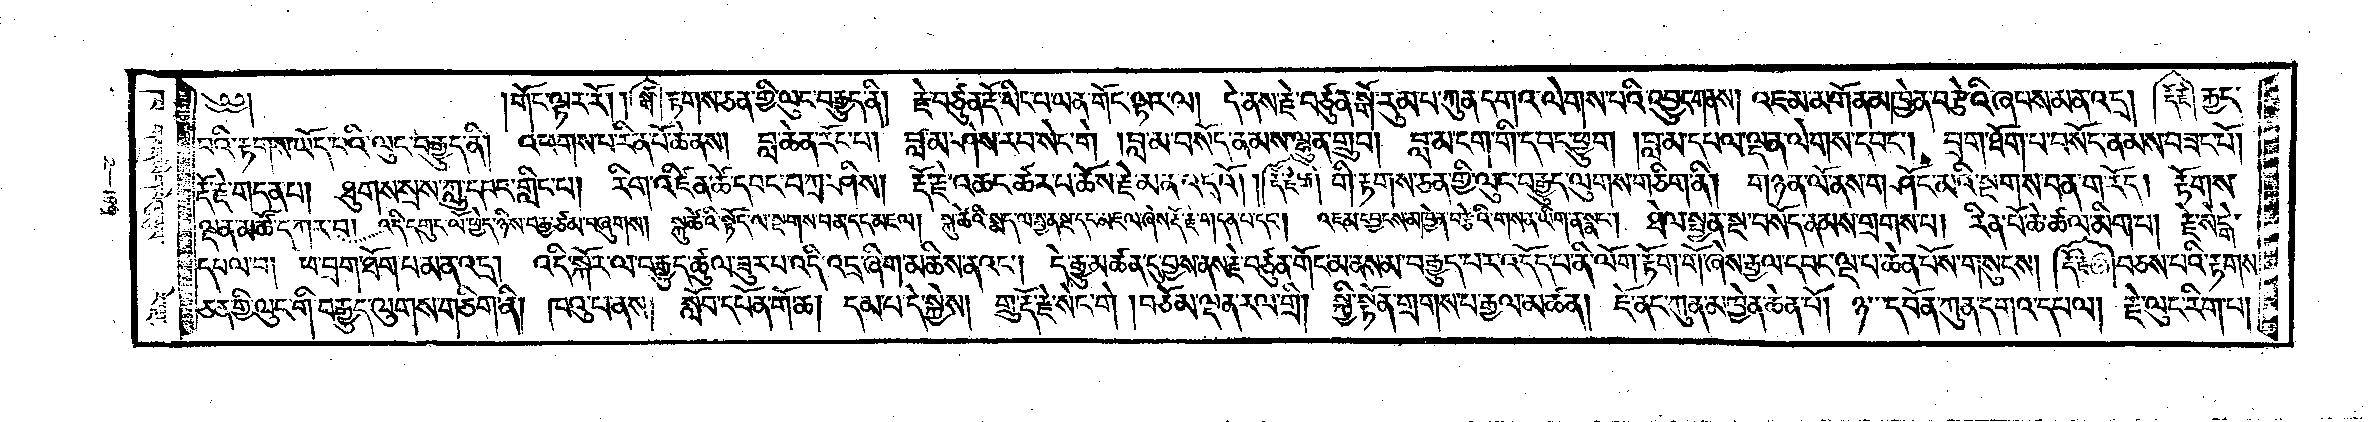༄༅། །གོང་ལྟར་རོ། །༼སྒོ༽ རྟགས་ཅན་གྱི་ལུང་བརྒྱུད་ནི། རྗེ་བཙུན་རྡོ་སིང་པ་ཡན་གོང་ལྟར་ལ། དེ་ནས་རྗེ་བཙུན་སྒོ་རུམ་པ་ཀུན་དགའ་ལེགས་པའི་འབྱུང་གནས། འཇམ་མགོན་མཁྱེན་བརྩེའི་ཞབས་མན་འདྲ། ༼རྡོརྗེ༽ རྐྱང་
བའི་རྟགས་ཡོད་པའི་ལུང་བརྒྱུད་ནི། འཕགས་པ་རིན་པོ་ཆེ་ནས། བླ་ཆེན་རོང་པ། བླ་མ་ཤེས་རབ་སེང་གེ །བླ་མ་བསོད་ནམས་ལྷུན་གྲུབ། བླ་མ་ངག་གི་དབང་ཕྱུག །བླ་མ་དཔལ་ལྡན་ལེགས་དབང་། བྲག་ཐོག་པ་བསོད་ནམས་བཟང་པོ།
རྡོ་རྗེ་གདན་པ། ཐུགས་སྲས་ཀླུ་དབང་གླིང་པ། རིག་འཛིན་ཚེ་དབང་བཀྲ་ཤིས། རྡོ་རྗེ་འཆང་ཚར་པ་ཆོས་རྗེ་མན་འདྲའོ། །༼རྡོ་རྗེ༽ གི་རྟགས་ཅན་གྱི་ལུང་བརྒྱུད་ལུགས་གཅིག་ནི། གཉན་ལོ་ནས་གཤོང་མའི་སྔགས་བན་ག་རོད། རྟོགས་
ལྡན་མཚོ་དཀར་བ། འདི་དགུང་ལོ་ཕྱེད་ཉིས་བརྒྱ་ཙམ་བཞུགས། སྐུ་ཚེའི་སྟོད་ལ་སྔགས་བན་དད་མཇལ། སྐུ་ཚེའི་སྨད་ལ་སྤྱན་སྔ་དང་མཇལ་ཞེས་རྡོ་རྗེ་གདན་པ་དང་། འཇམ་དབྱངས་མཁྱེན་བརྩེའི་གསན་ཡིག་ན་སྣང་།  ཐེལ་སྤྱན་སྔ་བསོད་ནམས་གྲགས་པ། རིན་པོ་ཆེ་ཚལ་མིག་པ། རྗེ་སེངྒེ་
དཔལ་བ། ཕ་བྲག་ཐོག་པ་མན་འདྲ། འདི་སྐོར་ལ་བརྒྱུད་ཚུལ་ཟུར་པ་འདི་འདྲ་ཞིག་མཆིས་ནའང་། དེ་རྒྱུ་མཚན་དུ་བྱས་ནས་རྗེ་བཙུན་གོང་མ་ནས་མ་བརྒྱུད་པར་འདོད་པ་ནི་ལོག་རྟོག་གོ་ཞེས་རྒྱལ་དབང་ལྔ་པ་ཆེན་པོས་གསུངས། ༼རྡོ་རྗེ༽ བཅས་པའི་རྟགས་
ཅན་གྱི་ལུང་གི་བརྒྱུད་ལུགས་གཅིག་ནི། ཁའུ་པ་ནས། སློབ་དཔོན་གོ་ཆ། དམ་པ་དེ་སྐྱེས། གྲུ་རྡོ་རྗེ་སེང་གེ །བཅོམ་ལྡན་རལ་གྲི། སྐྱི་སྟོན་གྲགས་པ་རྒྱལ་མཚན། ཇོ་ནང་ཀུན་མཁྱེན་ཆེན་པོ། ཉ་དབོན་ཀུན་དགའ་དཔལ། རྗེ་ལུང་རིག་པ།